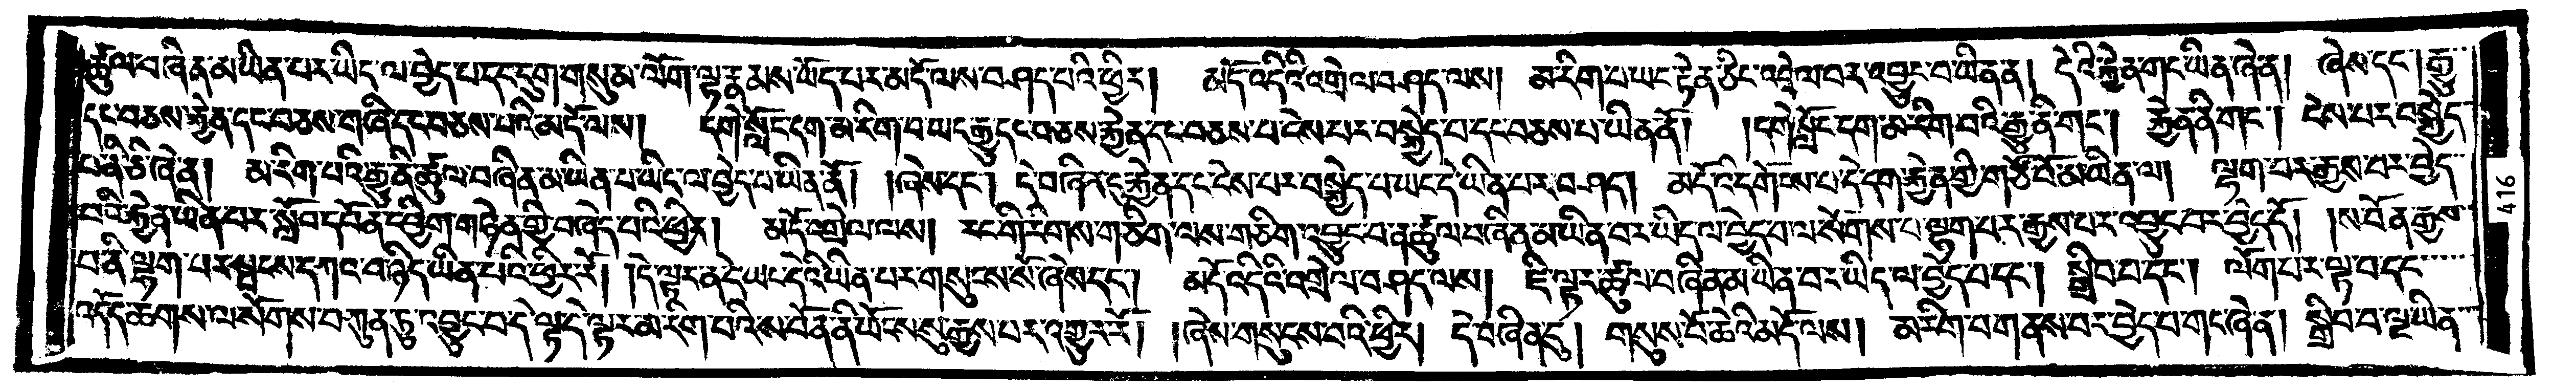ཚུལ་བཞིན་མ་ཡིན་པར་ཡིད་ལ་བྱེད་པ་དང་དུག་གསུམ་ལོག་ལྟ་རྣམས་ཡོད་པར་མདོ་ལས་བཤད་པའི་ཕྱིར། མདོ་འདིའི་འགྲེལ་བཤད་ལས། མ་རིག་པ་ཡང་རྟེན་ཅིང་འབྲེལ་བར་འབྱུང་བ་ཡིན་ན། དེའི་རྐྱེན་གང་ཡིན་ཞེ་ན། ཞེས་དང་། རྒྱུ་
དང་བཅས་རྐྱེན་དང་བཅས་གཞི་དང་བཅས་པའི་མདོ་ལས། དགེ་སློང་དག་མ་རིག་པ་ཡང་རྒྱུ་དང་བཅས་རྐྱེན་དང་བཅས་པ་ངེས་པར་བསྐྱེད་པ་དང་བཅས་པ་ཡིན་ནོ། །དགེ་སློང་དག་མ་རིག་པའི་རྒྱུ་ནི་གང་། རྐྱེན་ནི་གང་། ངེས་པར་བསྐྱེད་
པ་ནི་ཅི་ཞེ་ན། མ་རིག་པའི་རྒྱུ་ནི་ཚུལ་བཞིན་མ་ཡིན་པ་ཡིད་ལ་བྱེད་པ་ཡིན་ནོ། །ཞེས་དང་། དེ་བཞིན་དུ་རྐྱེན་དང་ངེས་པར་བསྐྱེད་པ་ཡང་དེ་ཡིན་པར་བཤད། མདོའི་དགོངས་པ་དེ་དག་རྐྱེན་གྱི་གཙོ་བོ་མ་ཡིན་ལ། ལྷག་པར་རྒྱས་པར་བྱེད་
བའི་རྐྱེན་ཡིན་པར་སློབ་དཔོན་དབྱིག་གཉེན་གྱི་བཞེད་པའི་ཕྱིར། མདོ་འགྲེལ་ལས། རང་གི་རིགས་གཅིག་ལས་གཅིག་འབྱུང་བ་ན་ཚུལ་བཞིན་མ་ཡིན་པར་ཡིད་ལ་བྱེད་པ་ལ་སོགས་པ་ལྷག་པར་རྒྱས་པར་འབྱུང་བར་བྱེད་དོ། །ས་བོན་རྒྱས་
པ་ནི་ལྷག་པར་སྤངས་དཀའ་བ་ཉིད་ཡིན་པའི་ཕྱིར་རོ། །དེ་ལྟར་ན་དེ་ཡང་དེའི་ཡིན་པར་གསུངས་སོ་ཞེས་དང་། མདོ་འདིའི་འགྲེལ་བཤད་ལས། ཇི་ལྟར་ཚུལ་བཞིན་མ་ཡིན་པར་ཡིད་ལ་བྱེད་པ་དང་། སྒྲིབ་པ་དང་། ལོག་པར་ལྟ་བ་དང་
འདོད་ཆགས་ལ་སོགས་པ་ཀུན་ཏུ་འབྱུང་བ་དེ་ལྟ་དེ་ལྟར་མ་རིག་པའི་ས་བོན་ནི་ཡོངས་སུ་རྒྱས་པར་འགྱུར་རོ། །ཞེས་གསུངས་པའི་ཕྱིར། དེ་བཞིན་དུ། གསུས་པོ་ཆེའི་མདོ་ལས། མ་རིག་པ་གནས་བར་བྱེད་པ་གང་ཞེ་ན། སྒྲིབ་པ་ལྔ་ཡིན་